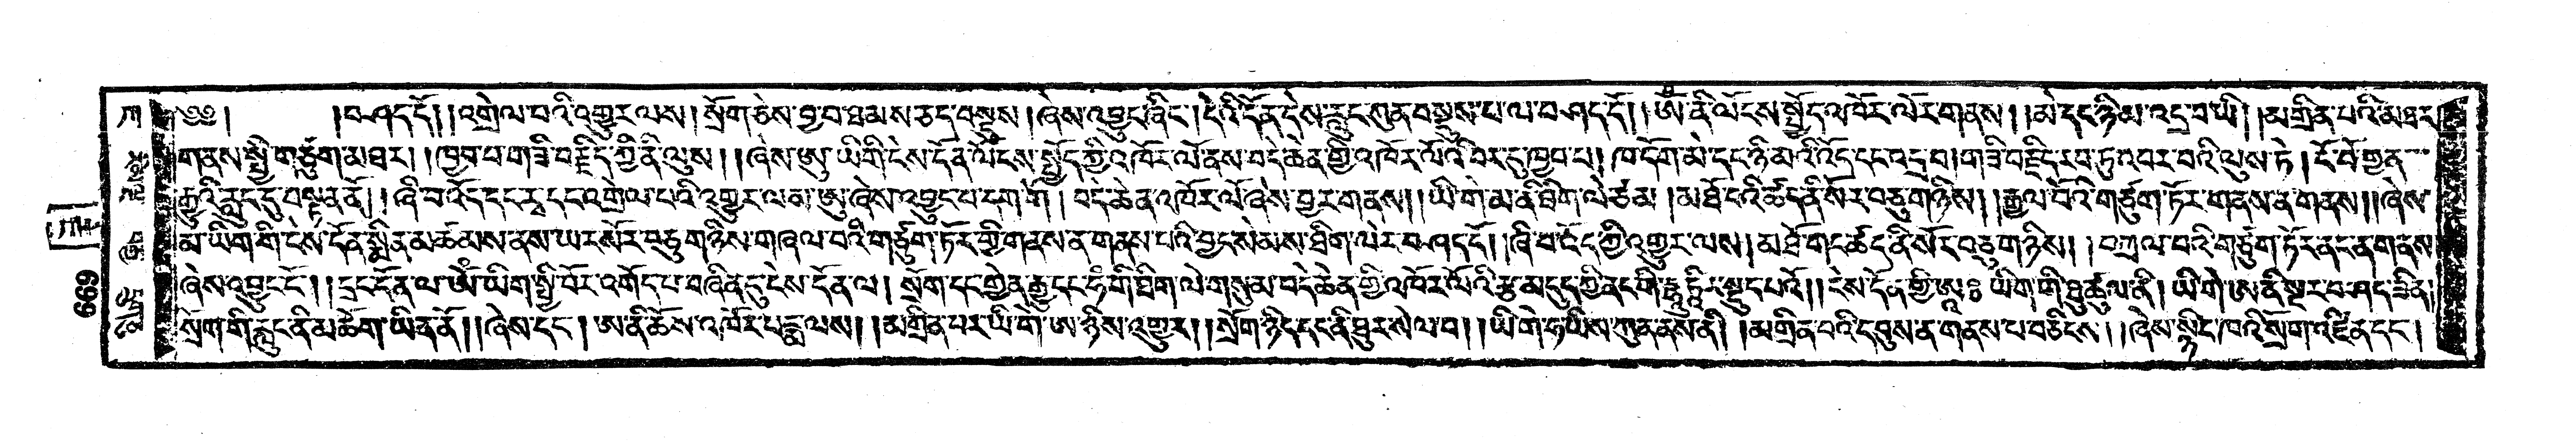༄༅། །བཤད་དོ། །འགྲེལ་བའི་འགྱུར་ལས། སྲོག་ཅེས་བྱ་བ་ཐམས་ཅད་བསྡུས། ཞེས་འབྱུང་ཞིང་།དེའི་དོན་དེས་རླུང་ཀུན་བསྡུས་པ་ལ་བཤད་དོ། །ཨོཾ་ནི་ལོངས་སྤྱོད་འཁོར་ལོར་གནས། །མེ་དང་ཉི་མ་འདྲ་བ་ཡི། །མགྲིན་པའི་མཐར་
གནས་སྤྱི་གཙུག་མཐར། །ཁྱབ་པ་གཟི་བརྗིད་ཀྱི་ནི་ལུས། །ཞེས་ཨུ་ཡི་གི་ངེས་དོན་ལོངས་སྤྱོད་ཀྱི་འཁོར་ལོ་ནས་བདེ་ཆེན་གྱི་འཁོར་ལོའི་བར་དུ་ཁྱབ་པ། ཁ་དོག་མེ་དང་ཉི་མའི་འོད་དང་འདྲ་བ་།གཟི་བརྗིད་རབ་ཏུ་འབར་བའི་ལུས་ཏེ། ངོ་བོ་གྱེན་
རྒྱུའི་རླུང་དུ་བསྟན་ནོ། །ཞི་བ་འོད་དང་རྭ་དང་འགྲེལ་བའི་འགྱུར་ལས་ཨུ་ཞེས་འབྱུང་བ་དག་གོ །བདེ་ཆེན་འཁོར་ལོ་ཞེས་བྱར་གནས། །ཡི་གེ་མ་ནི་ཐིག་ལེ་ཙམ། མཐོ་བའི་ཚད་ནི་སོར་བཅུ་གཉིས། །རྒྱལ་པོའི་གཙུག་ཏོར་གནས་ན་གནས་ན་གནས། །ཞེས་
མ་ཡིག་གི་ངེས་དོན་སྨིན་མཚམས་ནས་ཡར་སོར་བཅུ་གཉིས་གཞལ་བའི་གཙུག་ཏོར་གྱི་གནས་ན་གནས་པའི་བྱང་སེམས་ཐིག་ལེར་བཤད་དོ། །ཞི་བ་འོད་ཀྱི་འགྱུར་ལས། མཐོ་གང་ཚད་ནི་སོར་བཅུ་གཉིས། །བརྒལ་བའི་གཙུག་ཏོར་ནང་ན་གནས།
ཞེས་འབྱུང་ངོ། །དྲང་དོན་ལ་ཨོཾ་ཡིག་སྤྱི་བོར་འགོད་པ་བཞིན་དུ་ངེས་དོན་ལ། སྲོག་དང་གྱེན་རྒྱུ་དང་ཧཾ་གི་ཐིག་ལེ་གསུམ་བདེ་ཆེན་གྱི་འཁོར་ལོའི་རྩ་མདུད་ཀྱི་ནང་གི་དྷཱུ་ཏཱིར་སྡུད་པའོ། །ངེས་དོན་གྱི་ཨཱཿ ཡིག་གི་ཐུ་ཚུལ་ནི། ཡི་གེ་ཨ་ནི་སྔར་བཤད་ཟིན། །
སྲེག་གི་རླུང་ནི་མཆོག་ཡིན་ནོ། །ཞེས་དང་།ཨ་ནི་ཆོས་འཁོར་པདམ་ལས། །མགྲིན་པར་ཡི་གེ་ཨ་ཉིས་འགྱུར། །སྲོག་ཉིད་དང་ནི་ཐུར་སེལ་བ། །ཡི་གེ་ཧ་ཡིས་ཀུན་ནས་ནི། །མགྲིན་པའི་དབུས་ན་གནས་པ་བཅིངས། །ཞེས་སྙིང་ཁའི་སྲོག་འཛིན་དང་།